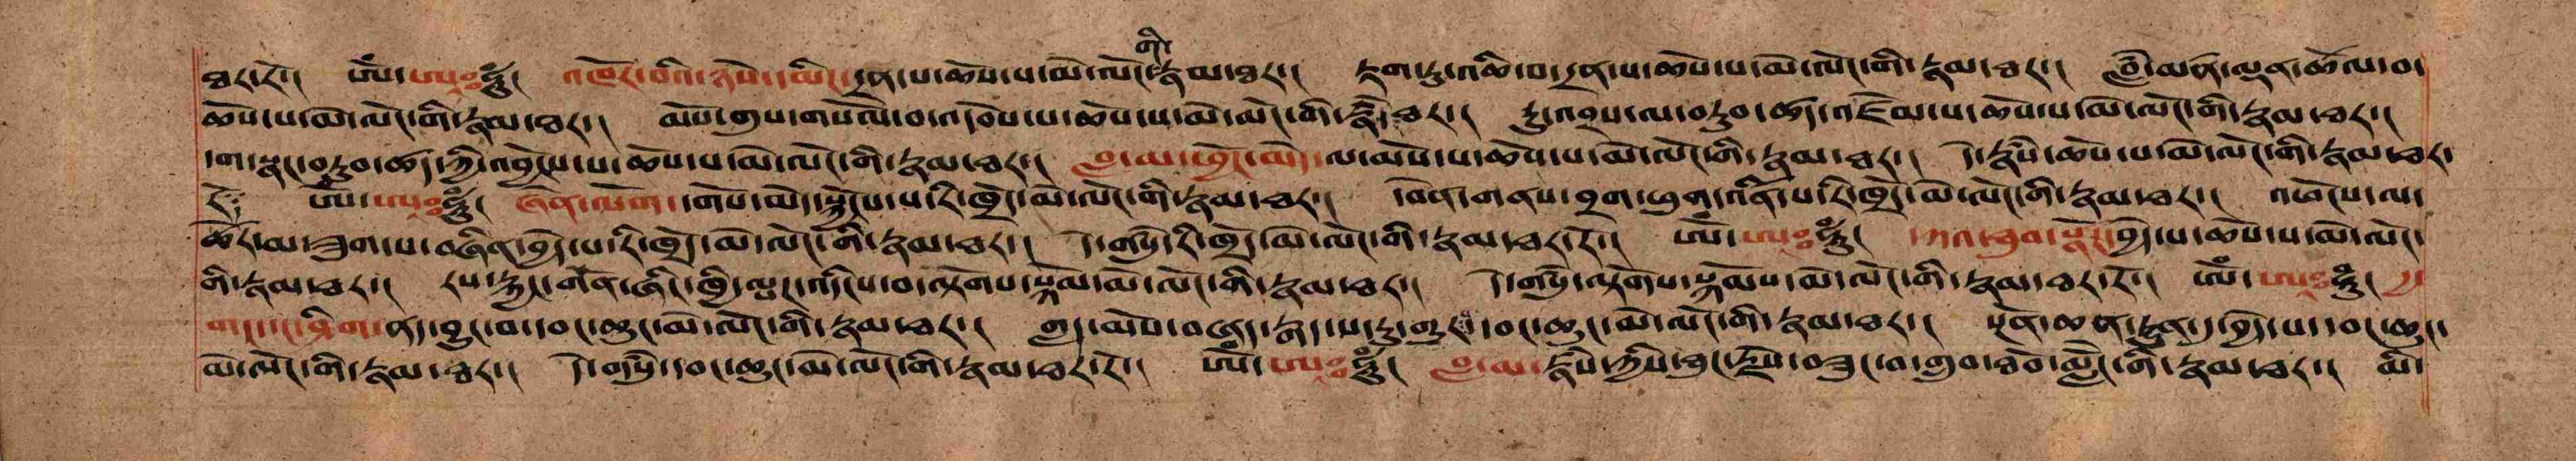ཐར་རོ། ཨོཾ་ཨཱཿཧཱུཾ། འཁོར་བའི་ཉེས་དམིགས་དྲན་པ་ཆོས་པ་མེ་ལོང་གི་རྣམ་ཐར། རྟག་ཏུ་འཆིེ་བ་དྲན་པ་ཆོས་པ་མེ་ལོང་གི་རྣམ་ཐར། བླ་མ་མཚན་ལྡན་ཚོལ་བ་
ཆོས་པ་མེ་ལོང་གི་རྣམ་ཐར། མོས་གུས་གསོལ་བ་འདེབས་པ་ཆོས་པ་མེ་ལོང་གི་རྣམ་ཐར། རྒྱུ་འབྲས་ལ་བཏུབ་ཚད་འཛོམ་པ་ཆོས་པ་མེ་ལོང་གི་རྣམ་ཐར། 
དག་སྣང་བཏུབ་ཚད་ཀྱིས་འབྱོངས་པ་ཆོས་པ་མེ་ལོང་གི་རྣམ་ཐར། བླ་མ་ཕྱོགས་མེད་ལ་མོས་པ་ཆོས་པ་མེ་ལོང་གི་རྣམ་ཐར། དེ་རྣམས་ཆོས་པ་མེ་ལོང་གི་རྣམ་ཐར་
རོ། །ཨོཾ་ཨཱཿཧཱུཾ། ཞེན་ལོག་དགོས་མེད་སྐྱོངས་པ་རི་ཁྲོད་མེ་ལོང་གི་རྣམ་ཐར། དབེན་གནས་བྲག་ཕུག་འཛིན་པ་རི་ཁྲོད་མེ་ལོང་གི་རྣམ་ཐར། འཕོངས་ལ་
ཚེར་མ་ཟུག་པ་བཞིན་བྱེད་པ་རི་ཁྲོད་མེ་ལོང་གི་རྣམ་ཐར། རས་རྐྱང་གོན་ཞིང་ཁྱི་ལྕགས་འདིངས་པ་ལྟོགས་སྐོམ་མེ་ལོང་གི་རྣམ་ཐར། དེ་གསུམ་རི་ཁྲོད་མེ་ལོང་
གི་རྣམ་ཐར་རོ།། ཨོཾ་ཨཱཿཧཱུཾ། དཀའ་ཐུབ་སྣ་ཚོགས་བྱེད་པ་ཆོས་པ་མེ་ལོང་གི་རྣམ་ཐར། རས་རྐྱང་གོན་ཞིང་ཁྱི་ལྤགས་འདིངས་བ་ལྟོགས་སྐོམ་མེ་ལོང་གི་རྣམ་ཐར། དེ་གསུམ་ལྟོགས་སྐོམ་མེ་ལོང་གི་རྣམ་ཐར་རོ། །ཨོཾ་ཨཱ་ཧཱུཾ། རྒྱ་
གང་དང་ཤིག་ནད་བྱུང་བ་དབང་ཆུང་མེ་ལོང་གི་རྣམ་ཐར། གླད་མོས་བཞད་རྒད་ས་རུ་གྱུར་པ་དབང་ཆུང་མེ་ལོང་གི་རྣམ་ཐར། སྔོན་ཆན་རྒྱུན་དུ་བྱེད་པ་དབང་ཆུང་མེ་ལོང་གི་རྣམ་ཐར། དེ་གསུམ་དབང་ཆུང་
མེ་ལོང་གི་རྣམ་ཐར། །ཨོཾ་ཨཱཿཧཱུཾ། བླ་མ་རྣམས་ཀྱིས་ཐུགས་རྗེས་བཟུང་བ་གྲུབ་ཐོབ་མེ་ལོང་གི་རྣམ་ཐར། མི་